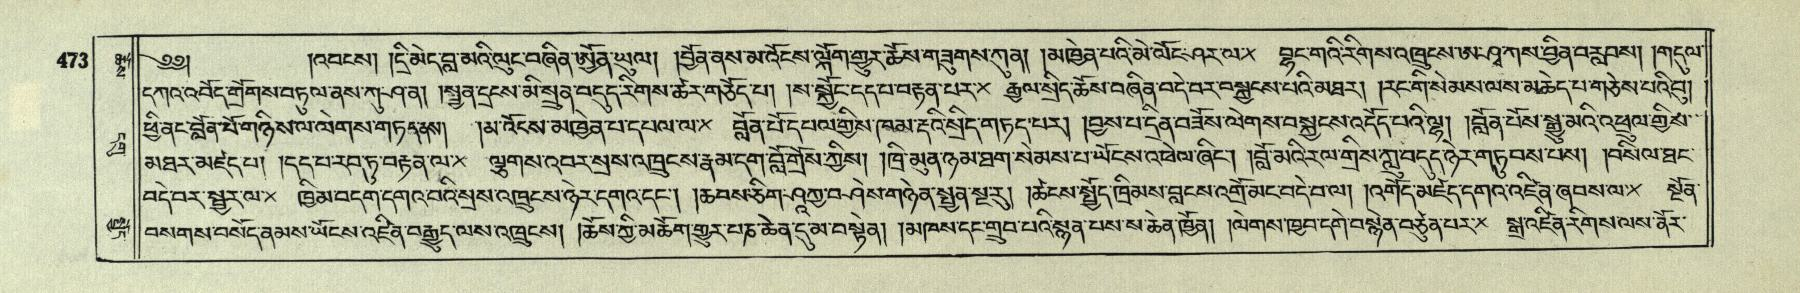༄༅། །འབངས། །དྲི་མེད་བླ་མའི་ལུང་བཞིན་ཨཡོན་ཡུལ། །བྱོན་ནས་མ་འོངས་ལྐོག་གྱུར་ཆོས་གཟུངས་ཀུན། །མཁྱེན་པའི་མེ་ལོང་ཤར་ལ་྾་བྷང་གའི་རིགས་འཁྲུངས་ཨ་ཤྭ་ཀས་བྱིན་བརླབས། །གདུལ་
དཀའ་འབོད་གྲོགས་བཏུལ་ནས་ཀུ་ཤ་ན། །སྤྱན་དྲངས་མི་སྲུན་བདུད་རིགས་ཚར་གཅོད་པ། །ས་སྐྱོང་དད་པ་བརྟན་པར་྾་རྒྱལ་སྲིད་ཆོས་བཞིན་བདེ་བར་བསྐྱངས་པའི་མཐར། །རང་གི་སེམས་ལས་མཆེད་པ་གཅེས་པའི་བུ།
ཕྱི་ནང་བློན་པོ་གཉིས་ལ་ལེགས་གཏན་ནས། །མ་འོངས་མཁྱེན་པ་དཔལ་ལ་྾་བློན་པོ་དཔལ་གྱིས་ཁམ་རྡའི་སྲིད་གཏད་པར། །བྱས་པ་དྲིན་བཟོས་ལེགས་བསྐྱངས་འདོད་པའི་ལྷ། །བློན་པོས་སྒྱུ་མའི་འཕྲུལ་གྱིས་
མཐར་མཛད་པ། །དད་པ་རབ་ཏུ་བརྟན་ལ་྾་ལྕགས་འབར་སྲས་འཁྲུངས་རྣམ་དག་བློ་གྲོས་ཀྱིས། །ཁྲི་མུན་ཉམ་ཐག་སེམས་པ་ཡོངས་འཕེལ་ཞིང་། །བློ་མའི་རལ་གྲོས་ཀླུ་བདུད་ཉེར་གཏུབས་པས། །བསིལ་ཐང་
བདེ་བར་སྦྱར་ལ་྾་ཁྱིམ་བདག་དགའ་བའི་སྲས་འཁྲུངས་ཉེར་དགའ་དང་། །ཆབས་ཅིག་ཤཱཀྱ་བཤེས་གཉེན་སྤྱན་སྔ་རུ། །ཚངས་སྤྱོད་ཁྲིམས་བླངས་འགྲོ་མང་བདེ་བ་ལ། །འགོད་མཛད་དགའ་འཛིན་ཞབས་ལ་྾་སྔོན་
བསགས་བསོད་ནམས་ཡོངས་འཛིན་བརྒྱུད་ལས་འཁྲུངས། །ཆོས་ཀྱི་མཆོག་གྱུར་པཎ་ཆེན་དུ་མ་བསྟེན། །མཁས་དང་གྲུབ་པའི་སྙན་པས་ས་ཆེན་ཁྱོན། །ལེགས་ཁྱབ་དགེ་བསྙེན་བཙུན་པར་྾་སྒྲ་འཛིན་རིགས་ལས་ནོར་